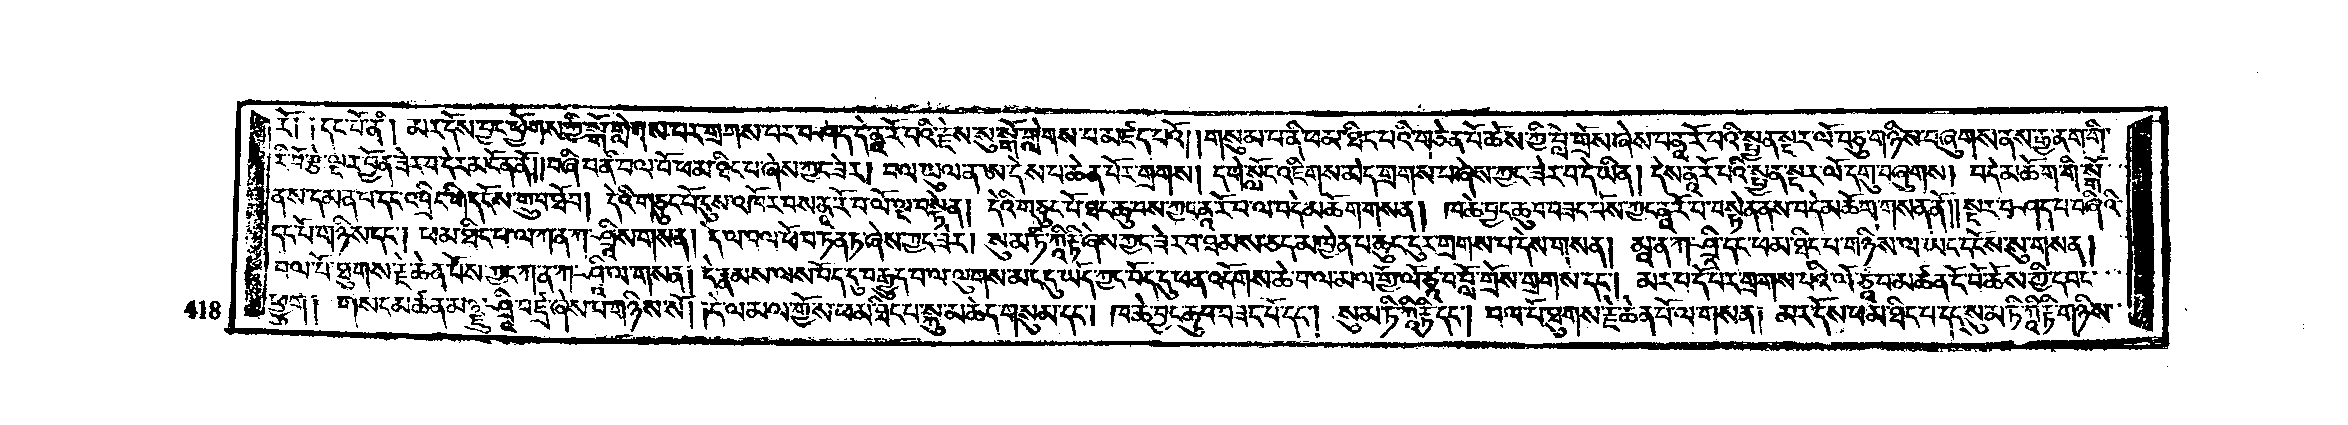རོ། །དང་པོ་ནི། མར་དོས་བྱང་ཕྱོགས་ཀྱི་སྒོ་གླེགས་པར་གྲགས་པར་བཤད་དེ་ནཱ་རོ་པའི་རྗེས་སུ་སྒོ་གླེགས་པ་མཛད་པའོ། །གསུམ་པ་ནི་ཕམ་ཐིང་པའི་གཅེན་པོ་ཆོས་ཀྱི་བློ་གྲོས་ཞེས་པ་ནཱ་རོ་པའི་སྤྱན་སྔར་ལོ་བཅུ་གཉིས་བཞུགས་ནས་རྒྱ་ནག་གི་
རི་བོ་རྩེ་ལྔར་བྱོན་ཟེར་བ་དེར་མངོན་ནོ། །བཞི་པ་ནི་བལ་བོ་ཕམ་ཐིང་པ་ཞེས་ཀྱང་ཟེར། བལ་ཡུལ་ན་ཨ་དེས་པ་ཆེན་པོར་གྲགས། དགེ་སློང་འཇིགས་མེད་གྲགས་པ་ཞེས་ཀྱང་ཟེར་བ་དེ་ཡིན། དེས་ནཱ་རོ་པའི་སྤྱན་སྔར་ལོ་དགུ་བཞུགས། བདེ་མཆོག་གི་སྒོ་
ནས་དམན་པ་དང་འབྲིང་གི་དངོས་གྲུབ་ཐོབ། དེའི་གཅུང་པོ་དུས་འཁོར་བས་ནཱ་རོ་བ་ལོ་ལྔ་བསྟེན། དེའི་གཅུང་པོ་ཐང་ཆུ་བས་ཀྱང་ནཱ་རོ་པ་ལ་བདེ་མཆོག་གས་ན། ཁ་ཆེ་བྱང་ཆུབ་བཟང་པོས་ཀྱང་ནཱ་རོ་བ་བསྟེན་ནས་བདེ་མཆོག་གསན་ནོ། །སྔར་བཤད་པ་བཞིའི་
དང་པོ་གཉིས་དང་། ཕམ་ཐིང་པ་ལ་ཀ་ན་ཀ་ཤྲཱིས་གསན། དེ་ལ་བལ་ཕོ་བ་ཏན་ཏ་ཞེས་ཀྱང་ཟེར། སུ་མ་ཏི་ཀཱི་རྟི་ཞེས་ཀྱང་ཟེར་བ་ཐམས་ཅད་མཁྱེན་པ་ཆུང་ངུར་གྲགས་པ་དེས་གསན། མཱ་ན་ཀ་ཤྲཱི་དང་ཕམ་ཐིང་པ་གཉིས་ལ་ཡང་དངོས་སུ་གསན།
བལ་པོ་ཐུགས་རྗེ་ཆེན་པོས་ཀྱང་ཀ་ན་ཀ་ཤཱི་ལ་གསན། དེ་རྣམས་ལས་བོད་དུ་བརྒྱུད་བ་ལ་ལུགས་མང་དུ་ཡོད་ཀྱང་བོད་དུ་ཕན་འདོགས་ཆེ་བ་ལ་མལ་གྱོ་ལོ་ཙཱ་བ་བློ་གྲོས་གྲགས་དང་། མར་པ་དེ་པར་གྲགས་པའི་ལོ་ཙཱ་བ་མཚན་ངོ་བོ་ཆོས་ཀྱི་དབང་
ཕྱུག །གསང་མཚན་མཉྫུ་ཤྲཱི་བཛྲ་ཞེས་པ་གཉིས་སོ། །དེ་ལ་མལ་གྱོས་ཕམ་ཐིང་པ་སྐུ་མཆེད་གསུམ་དང་། ཁ་ཆེ་བྱང་ཆུབ་བཟང་པོ་དང་། སུ་མ་ཏི་ཀཱི་རྟི་དང་། བལ་པོ་ཐུགས་རྗེ་ཆེན་པོ་ལ་གསན། མར་དོས་ཕམ་ཐིང་པ་དང་སུ་མ་ཏི་ཀཱི་རྟི་གཉིས་